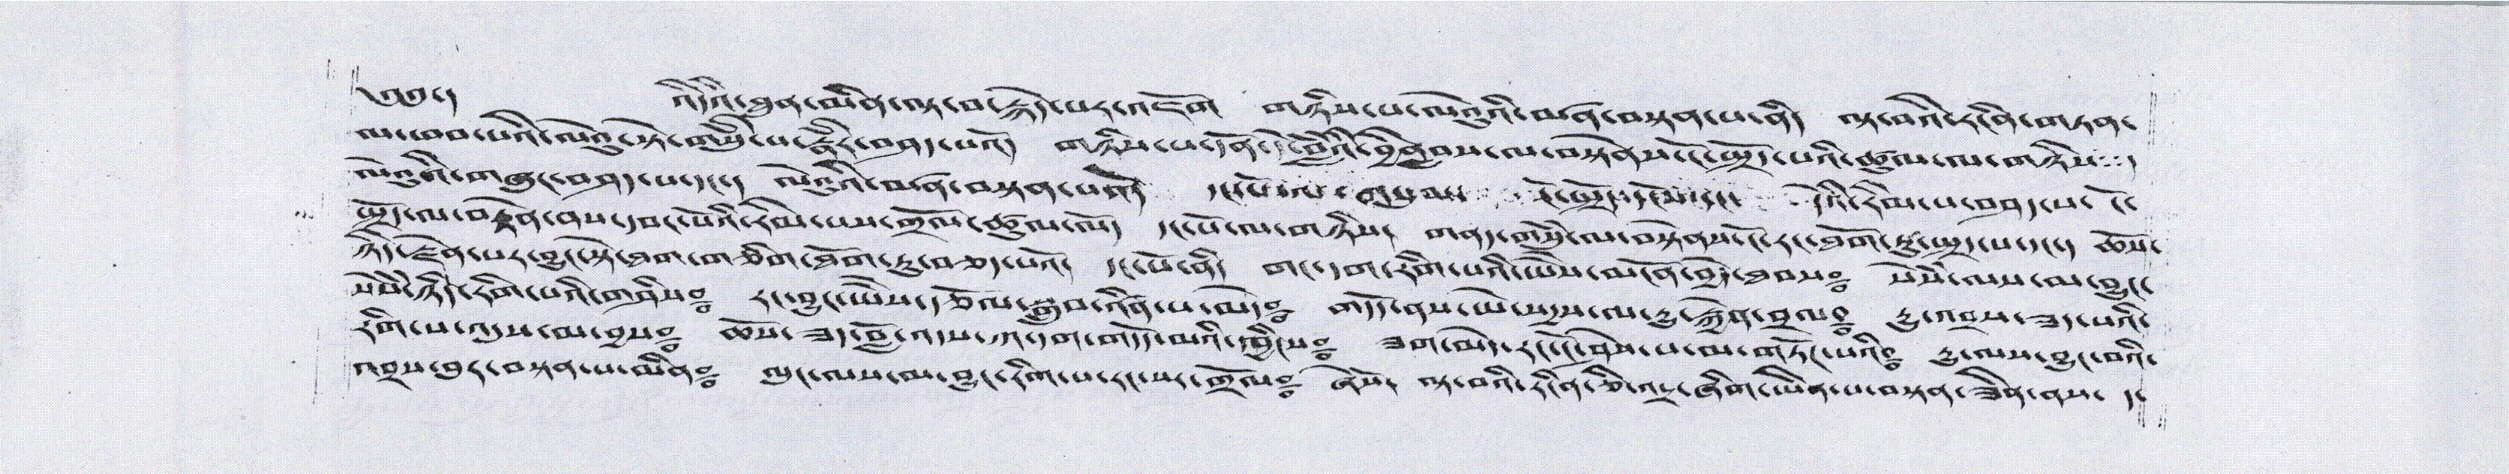འདིའི་ཐུན་མིན་ལྟ་བ་རྙེད་པར་འཇོག གཉིས་པ་ལེའུ་མཚན་བསྟན་པ་ནི། ལྟ་བའི་རང་བཞིན་གཏན་
ལ་ཕབ་པའི་ལེའུ་སྟེ་གསུམ་པ་རྣམ་པར་བཤད་པའོ། གཉིས་པ་དོན་དེ་བླ་མའི་བྱིན་རླབས་ལ་བརྟེན་ནས་ངོ་སྤྲོད་པའི་ཚུལ་ལ་གཉིས། 
ལེའུའི་གཞུང་བཤད་པ་དང་། ལེའུའི་མཚན་བསྟན་པའོ། དང་པོ་ལ་གསུམ། ངོ་སྤྲོད་དངོས་དང་། དེའི་རིམ་པ་བཤད་པ། ངོ་
སྤྲོད་ལ་བརྟེན་ནས་དབང་པོའི་རིམ་པས་གྲོལ་ཚུལ་ལོ། དང་པོ་གཉིས། གནད་གསུམ་ལ་བརྟེན་ནས་ངོ་རང་ཐོག་ཏུ་སྤྲད་པ་དང་། ཆོས་
ཉིད་རྗེན་པར་བྱུང་སྟེ་ཉག་གཅིག་ཐོག་ཏུ་ཐག་བཅད་པའོ། དང་པོ་ནི། གང་དག་རིག་པའི་ཡེ་ཤེས་མངོན་བྱེད་ཐབསཿ སེམས་ལས་མ་བྱུང་
སེམས་ཉིད་རིག་པའི་གཤིསཿ རང་བྱུང་ཡེ་ཤེས་རྩོལ་སྒྲུབ་འཛིན་པ་མེདཿ གདོད་ནས་ཡེ་སངས་རྒྱས་ལ་རྒྱུ་རྐྱེན་བྲལཿ རྒྱུ་འབྲས་ཟད་པའི་
རིག་པ་འདུས་མ་བྱསཿ ཆོས་ཟད་བློ་འདས་ཀ་དག་གདོད་མའི་དབྱིངསཿ ཟག་མེད་རང་ངོ་ཤེས་པ་མ་གཏོགས་པའིཿ རྒྱུ་ལས་བྱུང་བའི་
འབྲས་བུར་བསྟན་པ་མིནཿ ལུང་ལས་མ་བྱུང་རིག་པ་རང་སར་གྲོལཿ ཞེས་སོ། ལྟ་བའི་རང་བཞིན་ཅི་འདྲ་ཞིག་ཡིན་པ་བསྟན་ཟིན་ནས། ད་